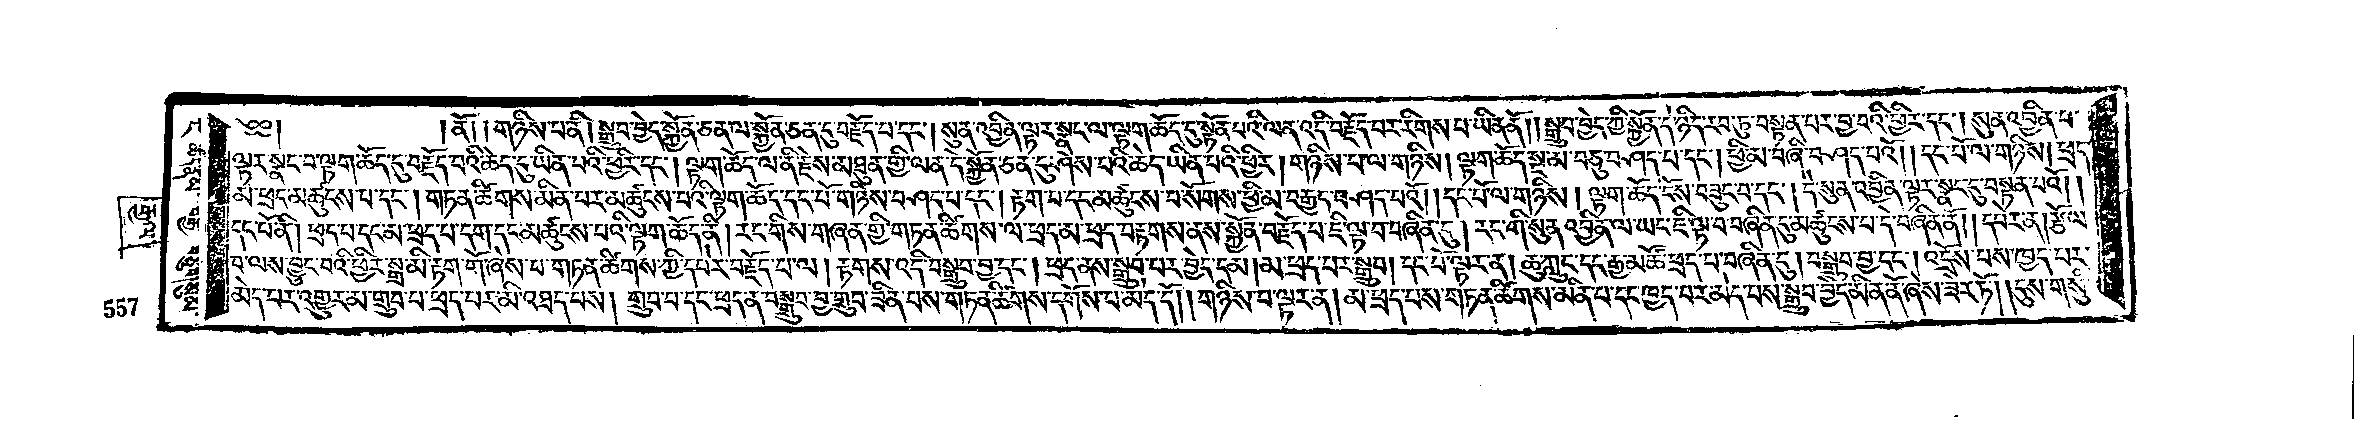༄༅། །ནོ༑ ༑གཉིས་པ་ནི། སྒྲུབ་བྱེད་སྐྱོན་ཅན་ལ་སྐྱོན་ཅན་དུ་བརྗོད་པ་དག། སུན་འབྱིན་ལྟར་སྣང་ལ་ལྟག་ཆོད་དུ་སྟོན་པའི་ལན་འདི་བརྗོད་པར་རིགས་པ་ཡིན་ནོ། །སྒྲུབ་བྱེད་ཀྱི་སྐྱོན་དེ་ཉིད་རབ་ཏུ་བསྟན་པར་བྱ་བའི་ཕྱིར་དན། སུན་འབྱིན་པ་
ལྟར་སྣང་བ་ལྟག་ཆོད་དུ་བརྗོད་པའི་ཆེད་དུ་ཡིན་པའི་ཕྱིར་དང་། ལྷག་ཆོད་ལ་ནི་རྗེས་མཐུན་གྱི་ལན་དེ་སྐྱོན་ཅན་དུ་ཤེས་པ་ཆེད་ཡིན་པའི་ཕྱིར། གཉིས་ལ་གཉིས། ལྟག་ཆོད་སྔ་མ་བཅུ་བཤད་པ་དང་། ཕྱི་མ་བཞི་བཤད་པའོ། །དང་པོ་ལ་གཉིས། ཕྲད་
མ་ཕྲད་མཚུངས་པ་དང་། གཏན་ཚིགས་མིན་པར་མཚུངས་པའི་ལྟག་ཆོད་དང་པོ་གཉིས་བཤད་པ་དན། རྟག་པ་དག་མཚུངས་པ་སོགས་ཕྱི་མ་བརྒྱད་བཤད་པའོ། །དང་པོ་ལ་གཉིས། ལྟག་ཆོད་ངོས་བཟུང་བ་དང་། དེ་སུན་འབྱིན་ལྟར་སྣང་དུ་བསྟན་པའོ། །
དང་པོ་ནི། ཕྲད་པ་དང་མ་ཕྲད་པ་དག་དང་མཚུངས་པའི་ལྟག་ཆོད་ནི། རང་གིས་གཞན་གྱི་གཏན་ཚིགས་ལ་ཕྲད་མ་ཕྲད་བརྟགས་ནས་སྐྱོན་བརྗོད་པ་ཇི་ལྟ་བ་བཞིན་དུ། རང་གི་སུན་འབྱིན་ལ་ཡང་ཇི་ལྟ་བ་བཞིན་དུ་མཚུངས་པ་དེ་བཞིན་ནོ། །དཔེར་ན། རྩོལ་
བ་ལས་བྱུང་བའི་ཕྱིར་སྒྲ་མི་རྟག་གོ་ཞེས་པ་གཏན་ཚིགས་ཀྱི་དཔེར་བརྗོད་པ་ལ། རྟགས་འདི་བསྒྲུབ་བྱ་དང་། ཕྲད་ནས་སྒྲུབ་པར་བྱེད་དམ། མ་ཕྲད་པར་སྒྲུབ། དང་པོ་ལྟར་ན། ཆུ་ཀླུང་དང་རྒྱ་མཚོ་ཕྲད་པ་བཞིན་དུ། བསྒྲུབ་བྱ་དང་། འདྲོས་པས་ཁྱད་པར་
མེད་པར་འགྱུར་མ་གྲུབ་པ་ཕྲད་པར་མི་འཐད་པས། གྲུབ་པ་དང་ཕྲད་ན་བསྒྲུབ་བྱ་གྲུབ་ཟིན་པས་གཏན་ཚིགས་དགོས་པ་མེད་དོ། །གཉིས་པ་ལྟར་ན། མ་ཕྲད་པས་གཏན་ཚིགས་མིན་པ་དང་ཁྱད་པར་མེད་པས་སྒྲུབ་བྱེད་མིན་ནོ་ཞེས་ཟེར་ཏོ། །དུས་གསུམ་